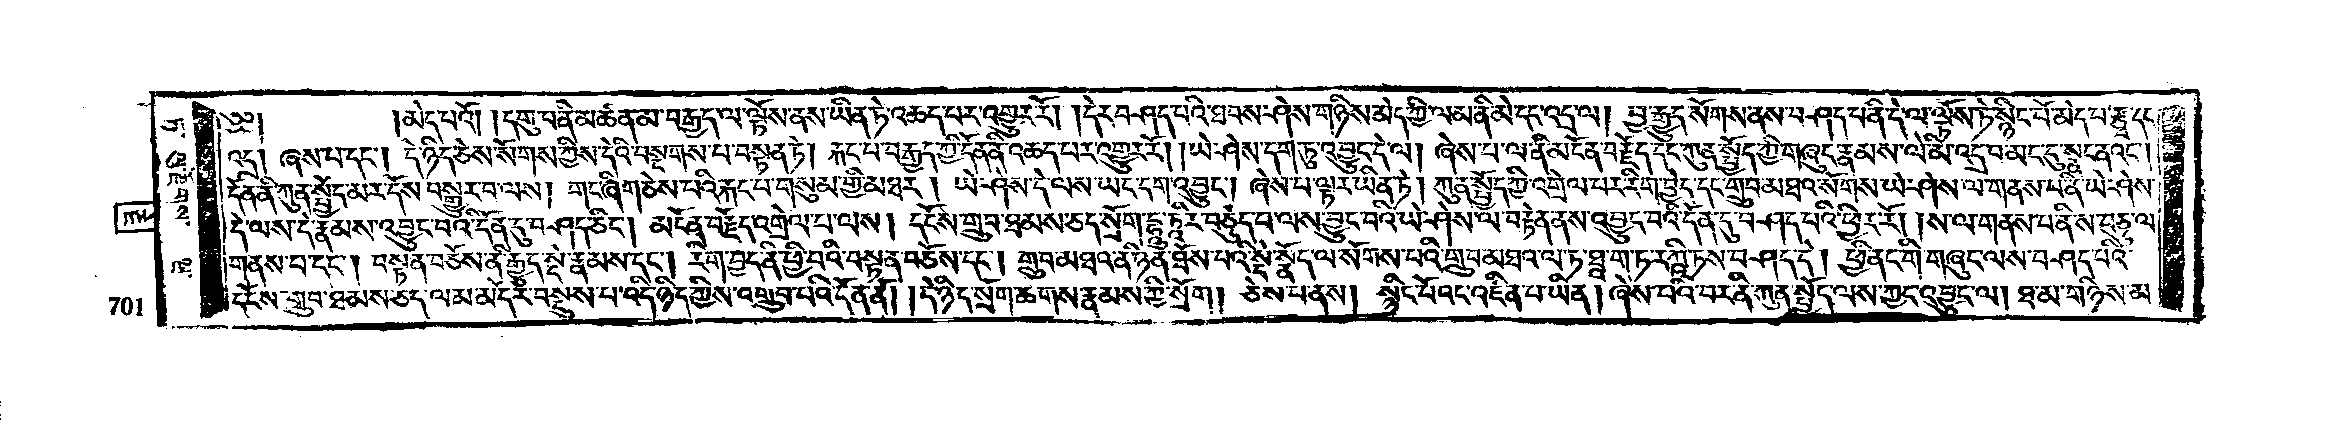༄༅། །མེད་པའོ། །དགུ་པ་ནི་མཚན་མ་བརྒྱད་ལ་ལྟོས་ནས་ཡིན་ཏེ་འཆད་པར་འགྱུར་རོ། །དེར་བཤད་པའི་ཐབས་ཤེས་གཉིས་མེད་ཀྱི་ལམ་ནི་མེ་དང་འདྲ་ལ། བྱ་རྒྱུད་སོགས་ནས་བཤད་པ་ནི་དེ་ལ་ལྟོས་ཏེ་སྙིང་པོ་མེད་པ་རྩྭ་དང་
འདྲ། ཞེས་པ་དང་། དེ་ཉིད་ཅེས་སོགས་ཀྱིས་དེའི་བསྔགས་པ་བསྟན་ཏེ། རྐང་པ་བརྒྱད་ཀྱི་དོན་ནི་འཆད་པར་འགྱུར་རོ། །ཡེ་ཤེས་དག་ཏུ་འབྱུང་དེ་ལ། ཞེས་པ་ལ་ནི་མངོན་བརྗོད་དང་ཀུན་སྤྱོད་ཀྱི་གཞུང་རྣམས་ལ་མི་འདྲ་བ་མང་དུ་སྣང་ནའང་།
དོན་ནི་ཀུན་སྤྱོད་མར་དོས་བསྒྱུར་བ་ལས། གང་ཞིག་ཅེས་པའི་རྐང་པ་གསུམ་གྱི་མཐར། ཡེ་ཤེས་དེ་ལས་ཡང་དག་འབྱུང་། ཞེས་པ་ལྟར་ཡིན་ཏེ། ཀུན་སྤྱོད་ཀྱི་འགྲེལ་པར་རིག་བྱེད་དང་གྲུབ་མཐའ་སོགས་ཡེ་ཤེས་ལ་གནས་པ་ནི་ཡེ་ཤེས་
དེ་ལས་དེ་རྣམས་འབྱུང་བའི་དོན་དུ་བཤད་ཅིང་། མངོན་བརྗོད་འགྲེལ་པ་ལས། དངོས་གྲུབ་ཐམས་ཅད་སྲོག་དྷཱུ་ཏཱིར་བཙུད་པ་ལས་བྱུང་བའི་ཡེ་ཤེས་ལ་བརྟེན་ནས་འབྱུང་བའི་དོན་དུ་བཤད་པའི་ཕྱིར་རོ། །ས་ལ་གནས་པ་ནི་ས་བཅུ་ལ་
གནས་པ་དང་། བསྟན་བཅོས་ནི་རྒྱུད་སྡེ་རྣམས་དང་། རིག་བྱད་ནི་ཕྱི་པའི་བསྟན་བཅོས་དང་། གྲུབ་མཐའ་ནི་ཉན་ཐོས་པའི་སྡེ་སྣོད་ལ་སོགས་པའི་གྲུབ་མཐའ་ལ་ཏ་ཐཱ་ག་ཏ་རཀྵི་ཏས་བཤད་དེ། ཕྱི་ནང་གི་གཞུང་ལས་བཤད་པའི་
དངོས་གྲུབ་ཐམས་ཅད་ལམ་མདོར་བསྡུས་པ་འདི་ཉིད་ཀྱིས་འགྲུབ་པའི་དོན་ནོ། །དེ་ཉིད་སྲོག་ཆགས་རྣམས་ཀྱི་སྲོག །ཅེས་པ་ནས། སྙིང་པོའང་འཛིན་པ་ཡིན། ཞེས་པའི་བར་ནི་ཀུན་སྤྱོད་ལས་ཀྱང་འབྱུང་ལ། ཐ་མ་གཉིས་མ་